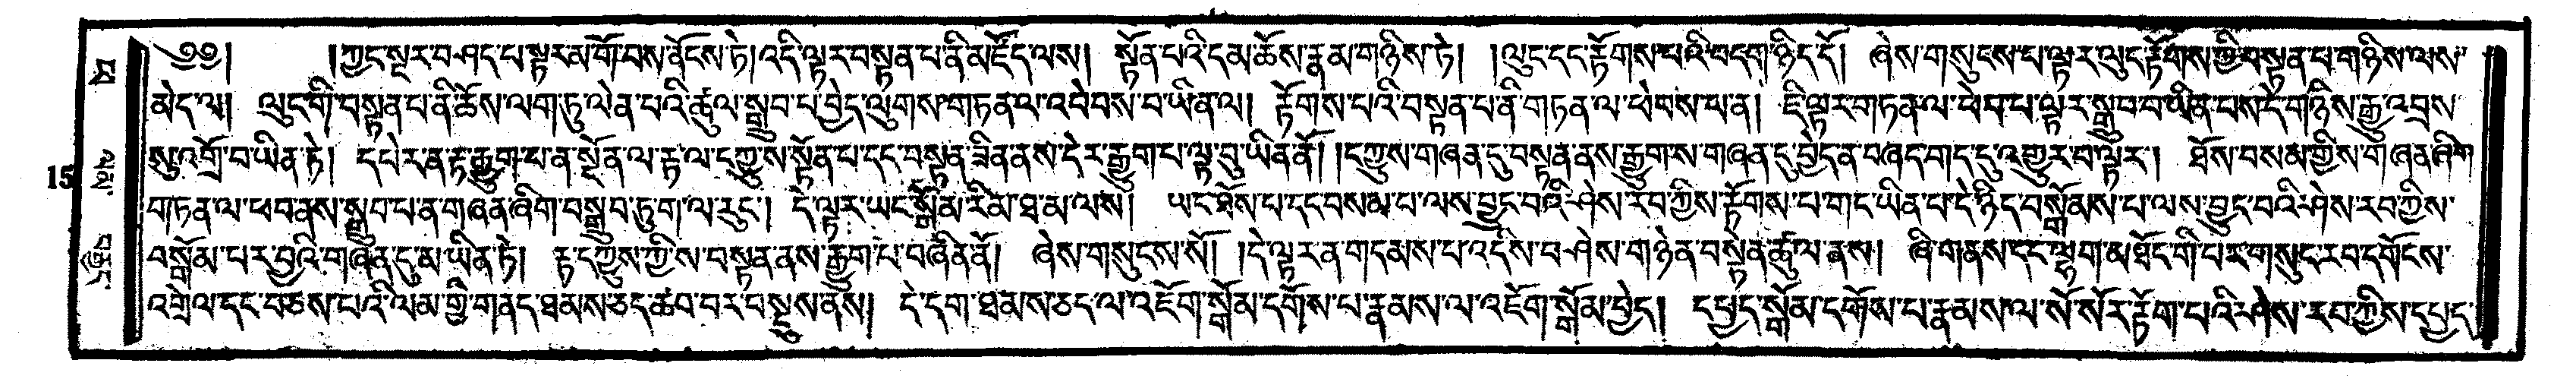༄༅། །ཀྱང་སྔར་བཤད་པ་སྟར་མ་གོ་བས་ནོངས་ཏེ། འདི་ལྟར་བསྟན་པ་ནི་མཛོད་ལས། སྟོན་པའི་དམ་ཆོས་རྣམ་གཉིས་ཏེ། །ལུང་དང་རྟོགས་པའི་བདག་ཉིད་དོ། ཞེས་གསུངས་པ་ལྟར་ལུང་རྟོགས་ཀྱི་བསྟན་པ་གཉིས་ལས་
མེད་ལ། ལུང་གི་བསྟན་པ་ནི་ཆོས་ལག་ཏུ་ལེན་པའི་ཚུལ་སྒྲུབ་པ་བྱེད་ལུགས་གཏན་ལ་འབེབས་པ་ཡིན་ལ། རྟོགས་པའི་བསྟན་པ་ནི་གཏན་ལ་ཕེབས་པ་ན། ཇི་ལྟར་གཏན་ལ་ཕེབ་པ་ལྟར་སྒྲུབ་བ་ཡིན་པས་དེ་གཉིས་རྒྱུ་འབྲས་
སུ་འགྲོ་བ་ཡིན་ཏེ། དཔེར་ན་རྟ་རྒྱུག་པ་ན་སྔོན་ལ་རྟ་ལ་དཀྱུ་ས་སྟོན་པ་དང་བསྟན་ཟིན་ནས་དེར་རྒྱུག་པ་ལྟ་བུ་ཡིན་ནོ། །དཀྱུས་གཞན་དུ་བསྟན་ནས་རྒྱུག་ས་གཞན་དུ་བྱེད་ན་བཞད་གད་དུ་འགྱུར་བ་ལྟར། ཐོས་བསམ་གྱིས་གཞན་ཞིག་
གཏན་ལ་ཕབ་ནས་སྒྲུབ་པ་ན་གཞན་ཞིག་བསྒྲུབ་ཏུ་ག་ལ་རུང་། དེ་ལྟར་ཡང་སྒོམ་རིམ་ཐ་མ་ལས། ཡང་ཐོས་པ་དང་བསམ་པ་ལས་བྱུང་བའི་ཤེས་རབ་ཀྱིས་རྟོགས་པ་གང་ཡིན་པ་དེ་ཉིད་བསྒོམས་པ་ལས་བྱུང་བའི་ཤེས་རབ་ཀྱིས་
བསྒོམ་པར་བྱའི་གཞན་དུ་མ་ཡིན་ཏེ། རྟ་དཀྱུས་ཀྱི་ས་བསྟན་ནས་རྒྱུག་པ་བཞིན་ནོ། ཞེས་གསུངས་སོ། །དེ་ལྟར་ན་གདམས་པ་འདིས་བཤེས་གཉེན་བསྟེན་ཚུལ་ནས། ཞི་གནས་དང་ལྷག་མཐོང་གི་པར་གསུང་རབ་དགོངས་
འགྲེལ་དང་བཅས་པའི་ལམ་གྱི་གནད་ཐམས་ཅད་ཚབ་བར་བསྡུས་ནས། དེ་དག་ཐམས་ཅད་ལ་འཇོག་སྒོམ་དགོས་པ་རྣམས་ལ་འཇོག་སྒོམ་བྱེད། དཔྱད་སྒོམ་དགོས་པ་རྣམས་ལ་སོ་སོར་རྟོག་པའི་ཤེས་རབ་ཀྱིས་དཔྱད་